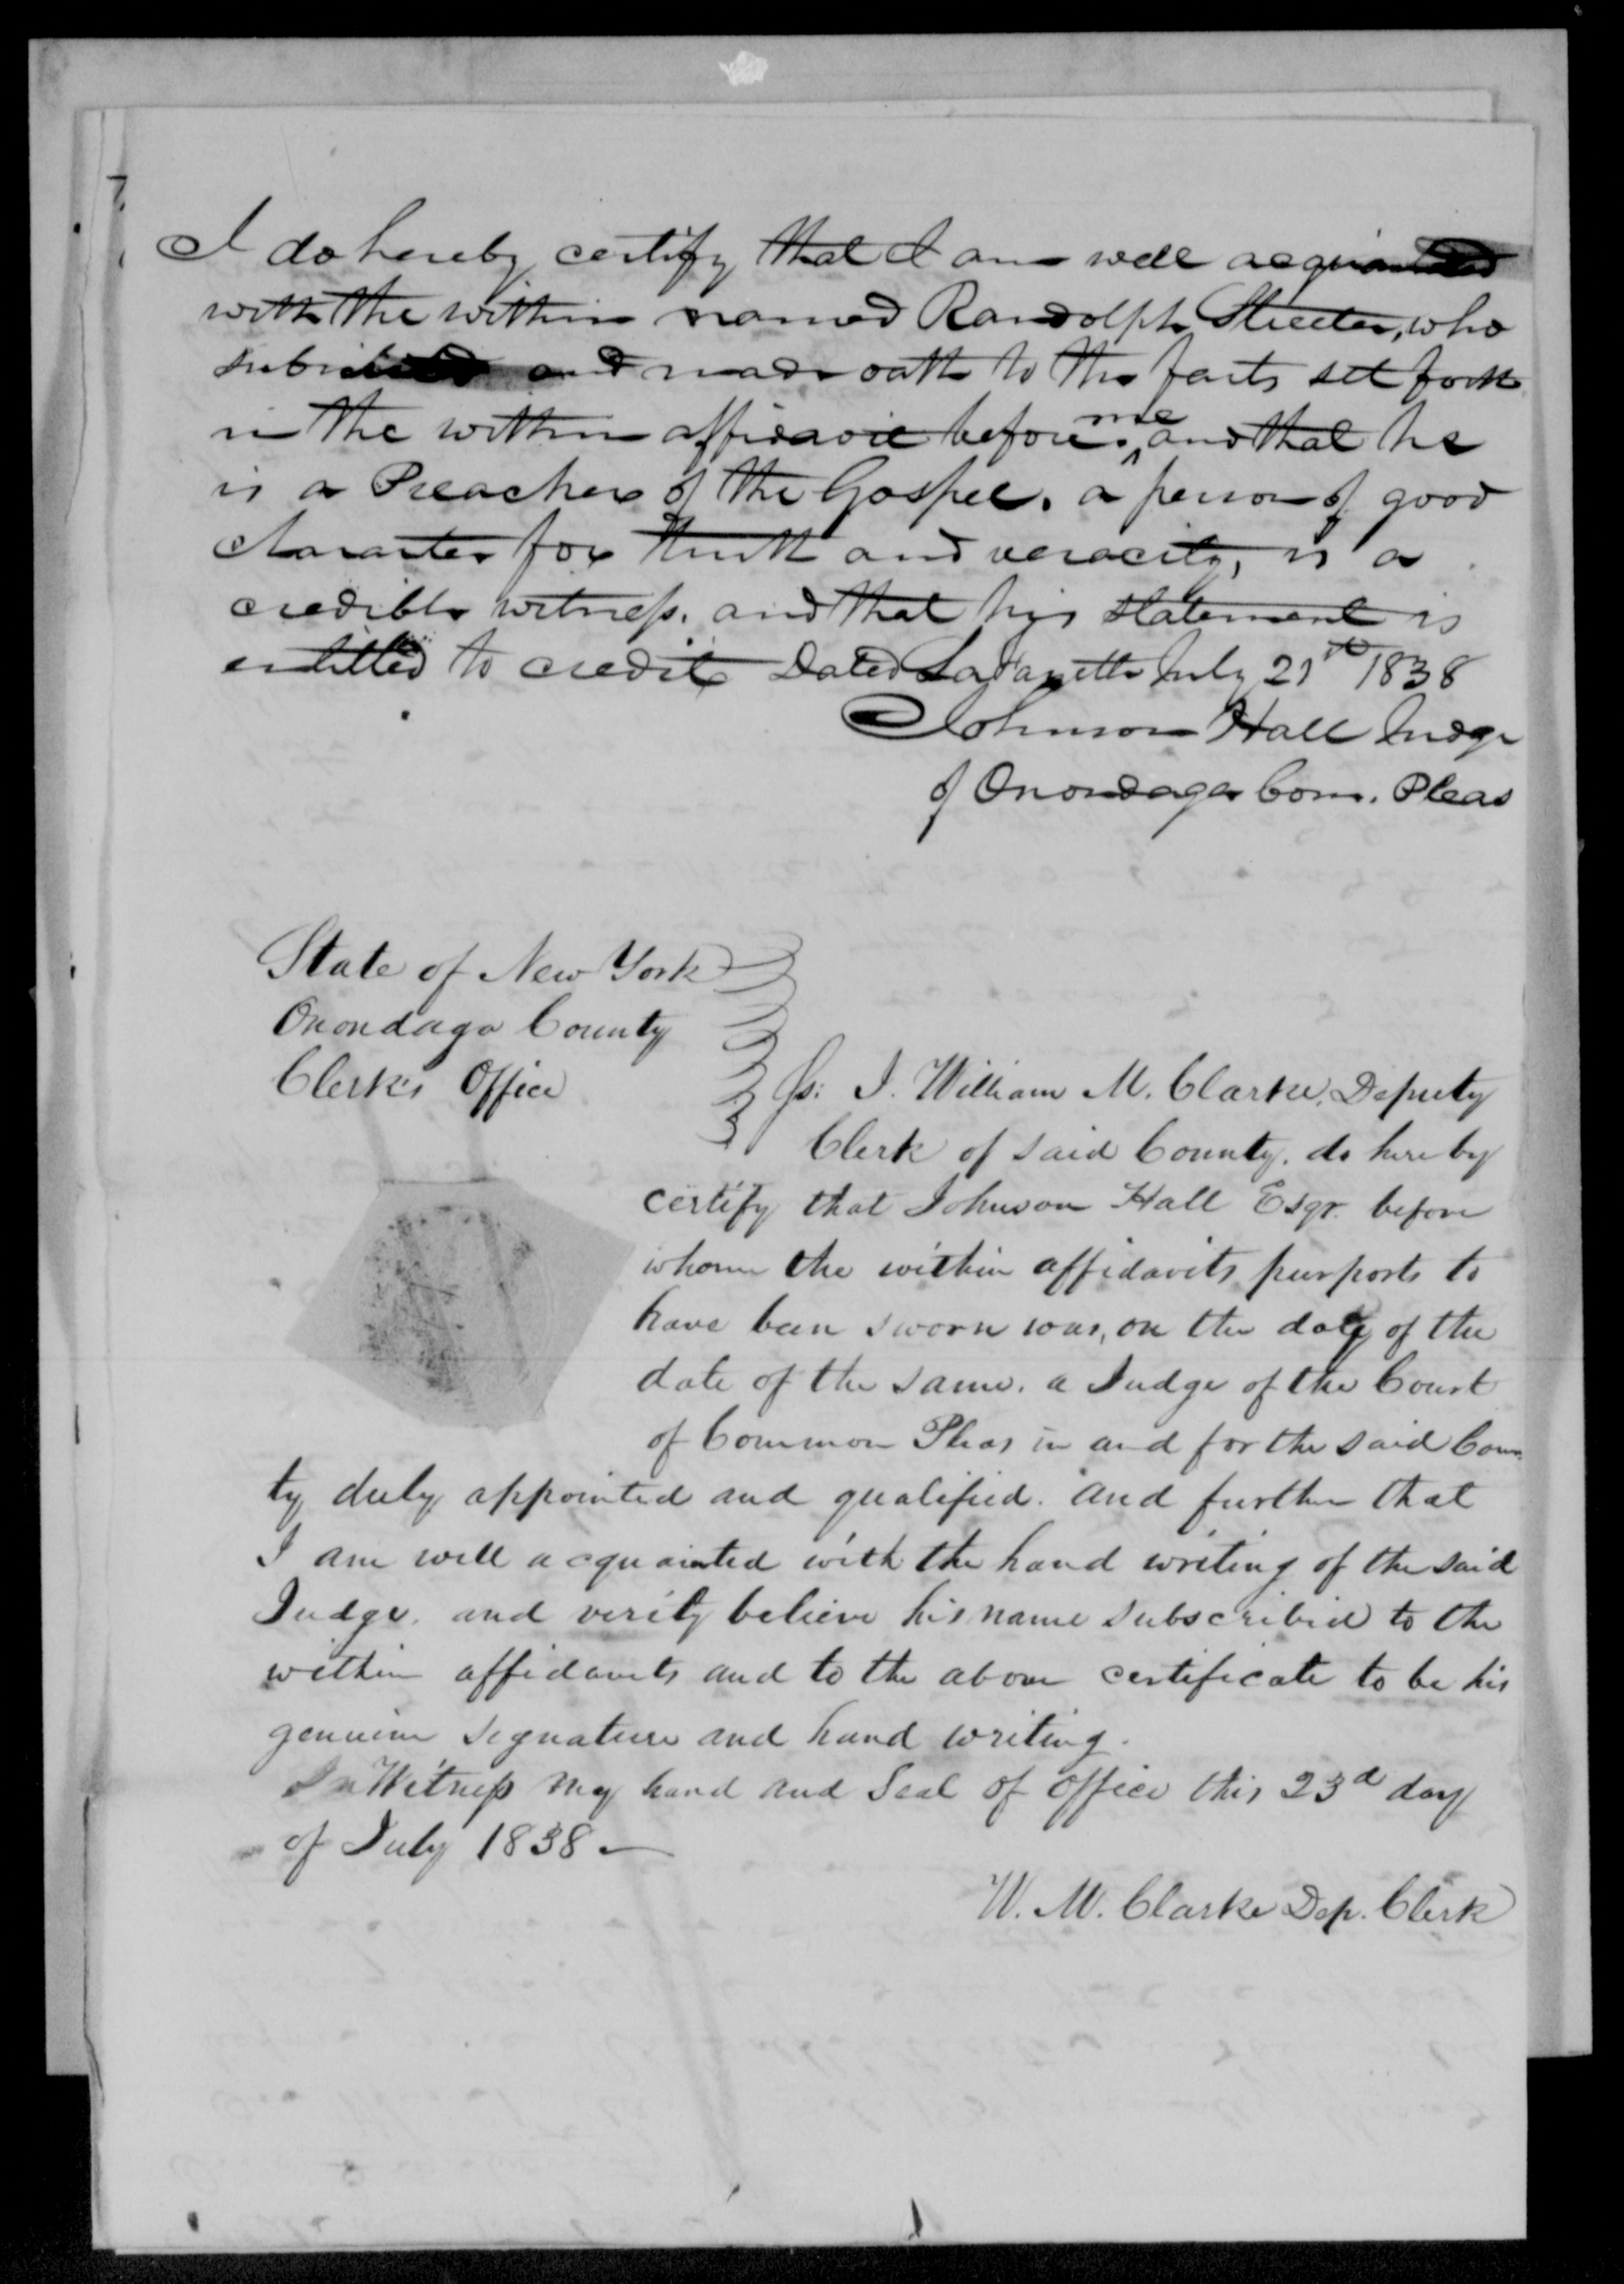I do hereby certify that I am well acquainted with the within named Randolph Streeter, who subscribed and made oath to the facts set forth in the within affidavit before ^me and that he is a Preacher of the Gospel, a person of good character for truth and veracity, is a credible witness, and that his statement is entitled to credit--Dated Lafayette July 27th 1838

Johnson Hall Judge of Onondaga Cour. Pleas

State of New York}
Onondaga County}
Clerk's Office}

Js: I William M. Clarke, Deputy Clerk of said County, do hereby certify that Johnson Hall Esqr. before whom the within affidavits purport to have been sworn was, on the day of the date of the same, a Judge of the Court of Common Pleas in and for the said County duly appointed and qualified, and further that I am well acquainted with the hand writing of the said Judge and verily believe his name subscribed to the within affidavits and to the above certificate to be his genuine Signature and hand writing.

In witness my hand and Seal of Office this 23rd day of July 1838--

W.M. Clarke Dep. Clerk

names: Johnson Hall, Randolph Streeter, W M Clarke, William M Clarke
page: 15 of 63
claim: widow's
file: W. 18403, David White, Conn.